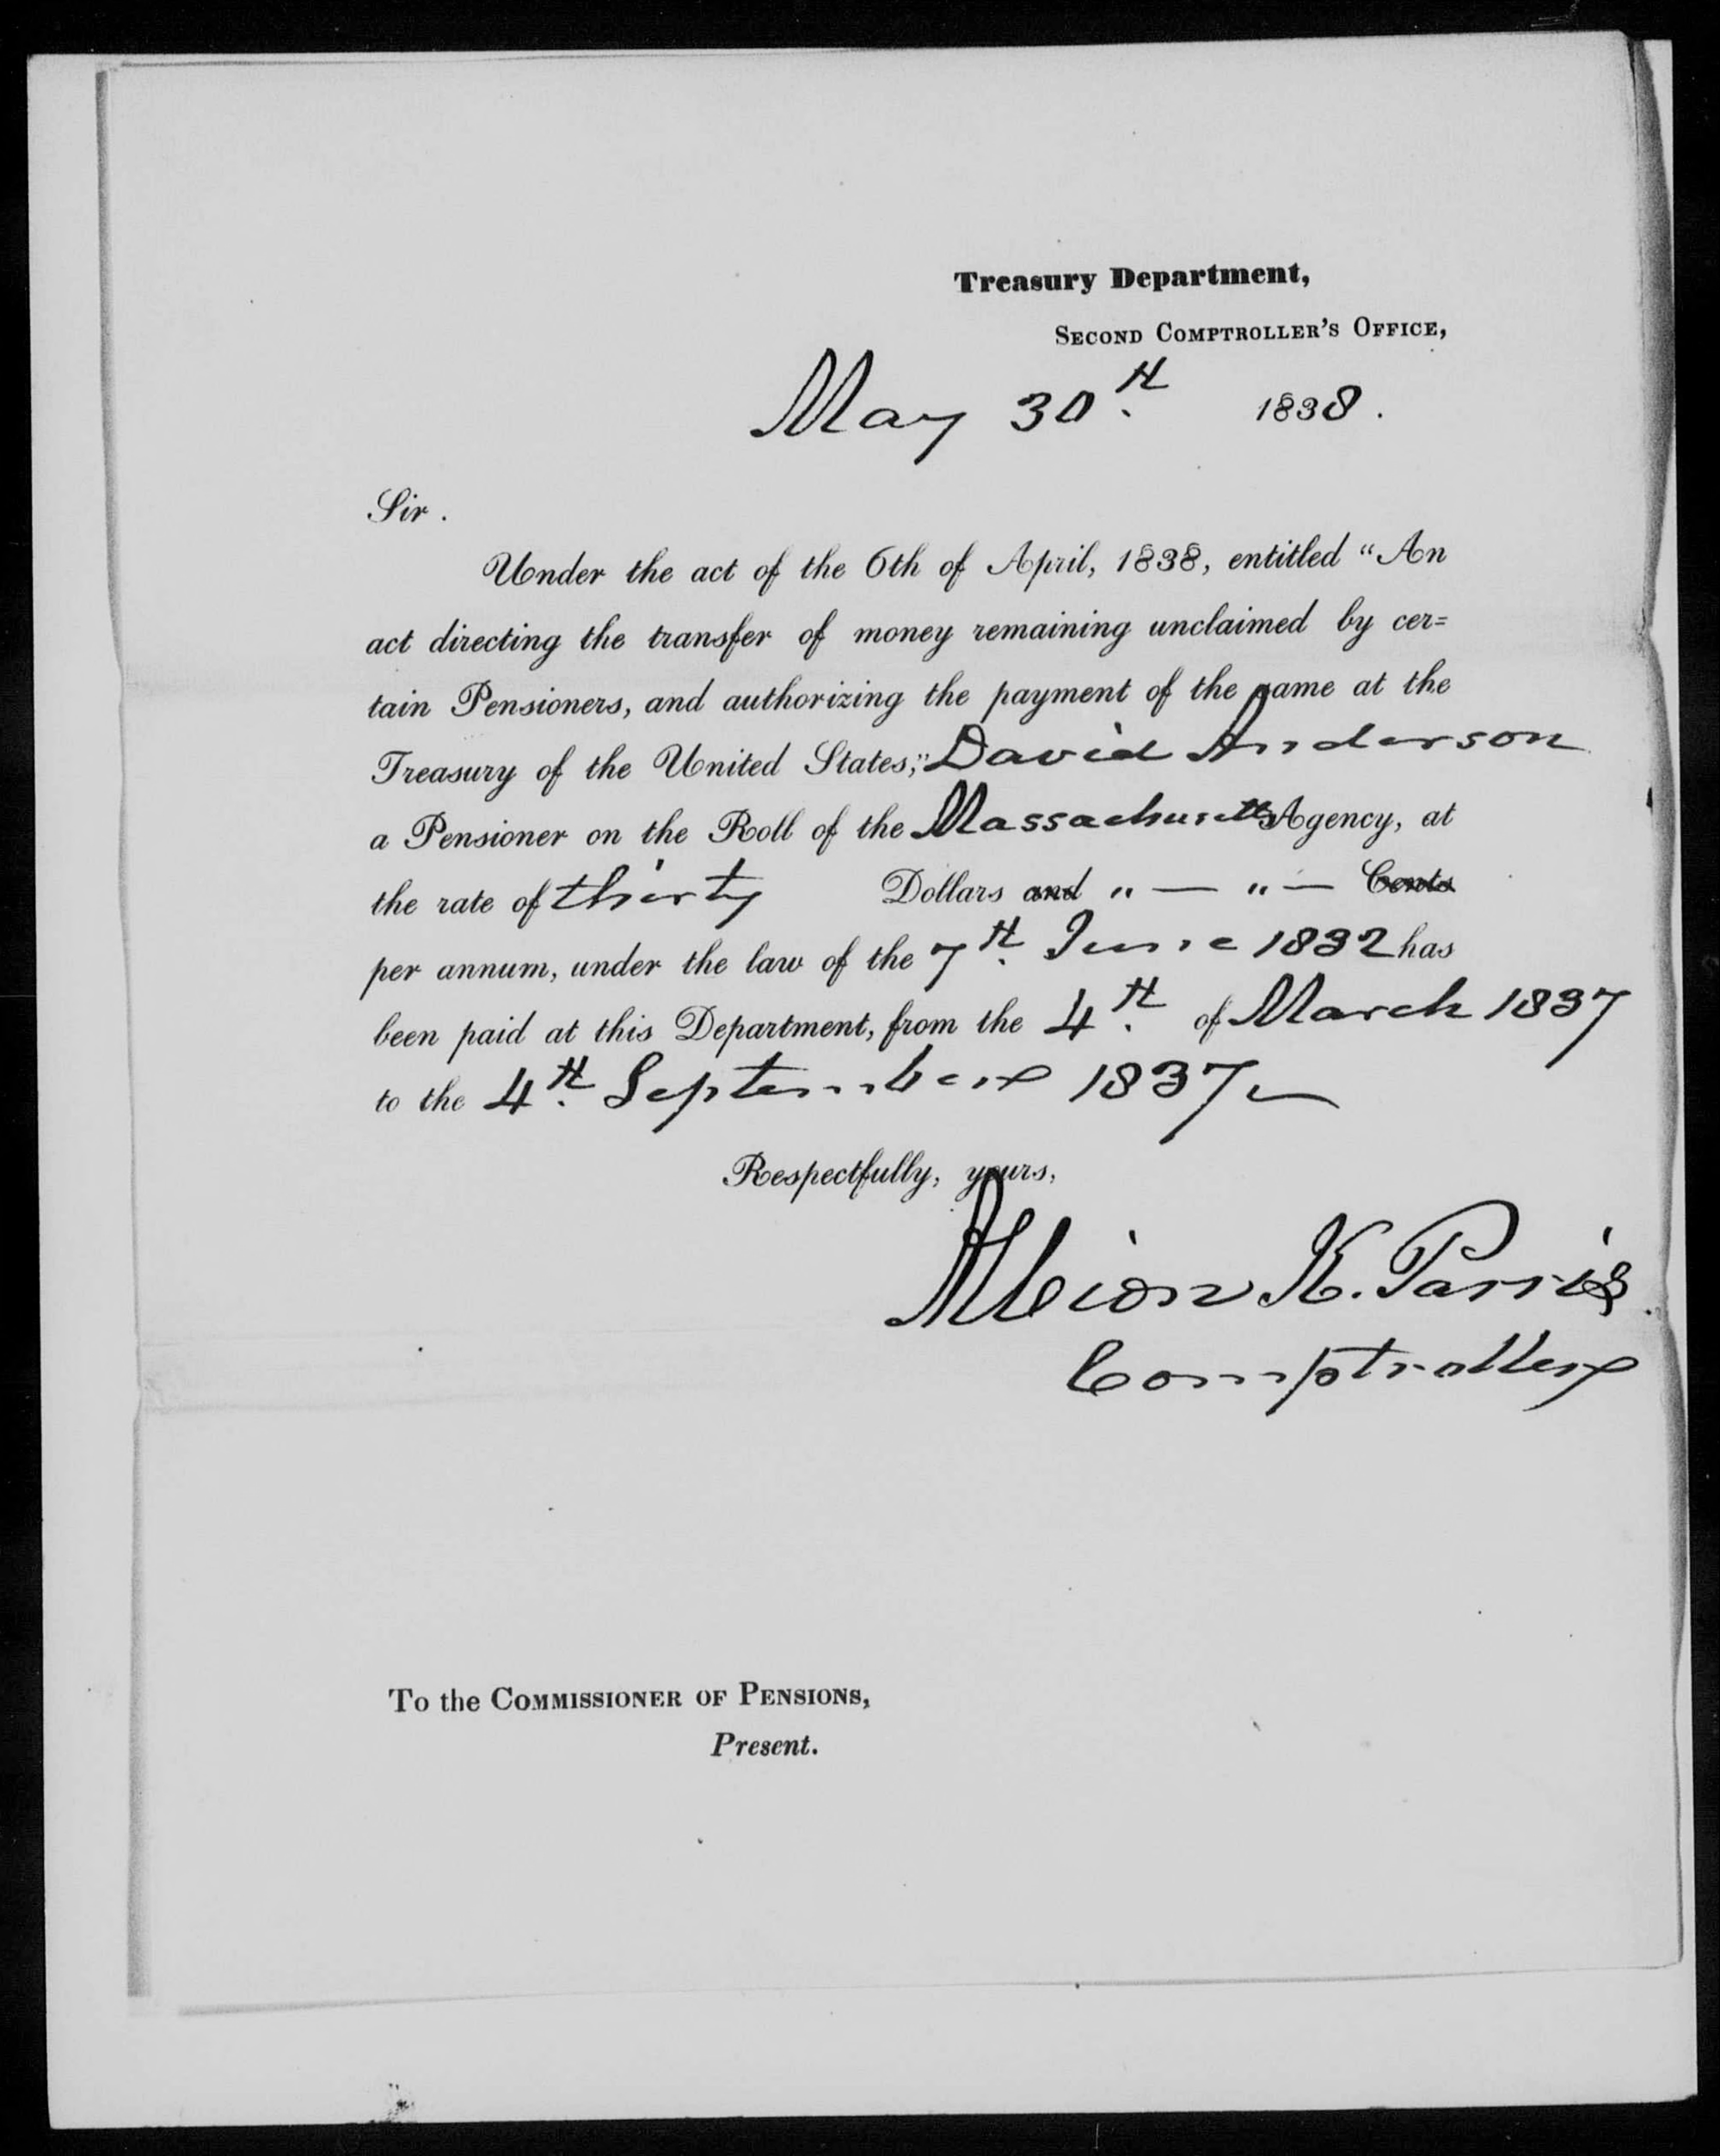Treasury Department
SECOND COMPTROLLER'S OFFICE,
May 30th 1838.
Sir
Under the act of the 6th of April, 1838, entitled "An
act directing the transfer of money remaining unclaimed by certain
Pensioners, and authorizing the payment of the same at the
Treasury of the United States, David Anderson
a Pensioner on the Roll of the Massachusetts agency, at
the rate of thirty Dollars and "-"-
per annum, under the law of the 7th June 1832 has
been paid at this Department, from the 4th of March 1837
to the 4th September 1837-
Respectfully, yours,
Albion K. Parris
Comptroller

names: David Anderson, Albion K Parris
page: 37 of 39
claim: widow's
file: W. 20624, David Anderson, Mass